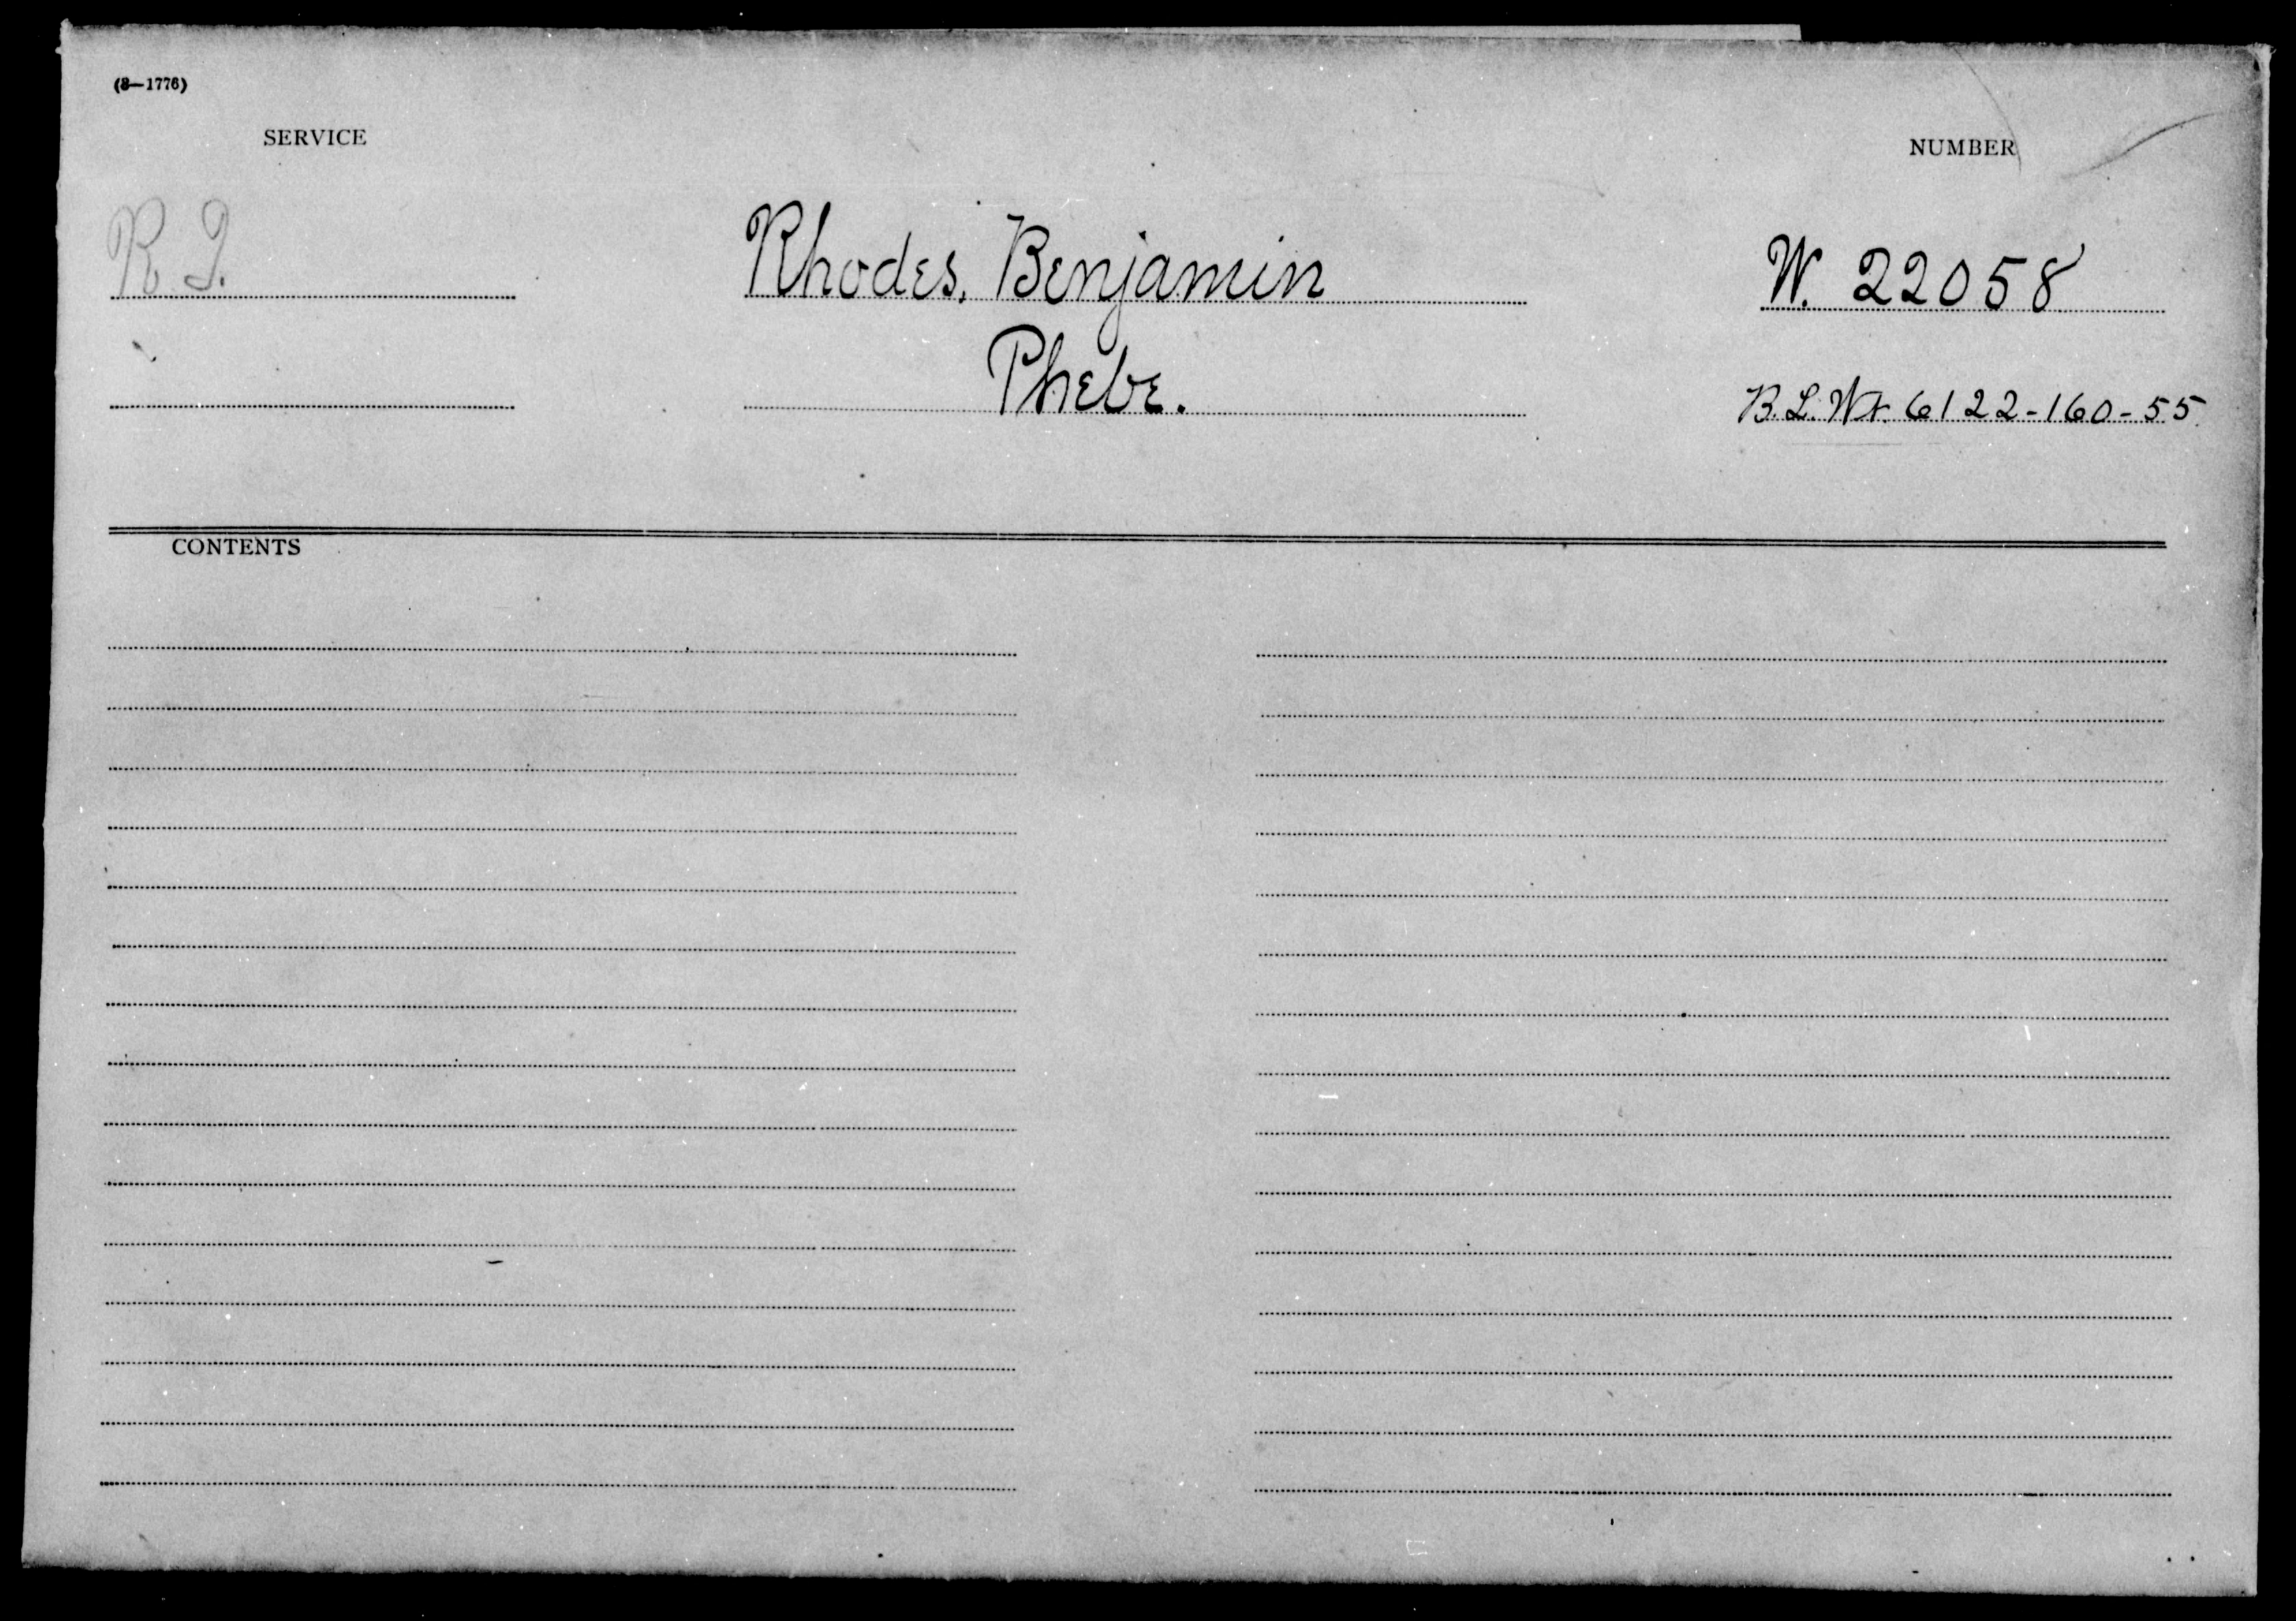R.I.  Rhodes Benjamin Phebe. W.22058
73LWA.6122-160-55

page: 1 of 50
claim: widow's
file: W. 22058, for Benjamin Rhodes, Rhode Island